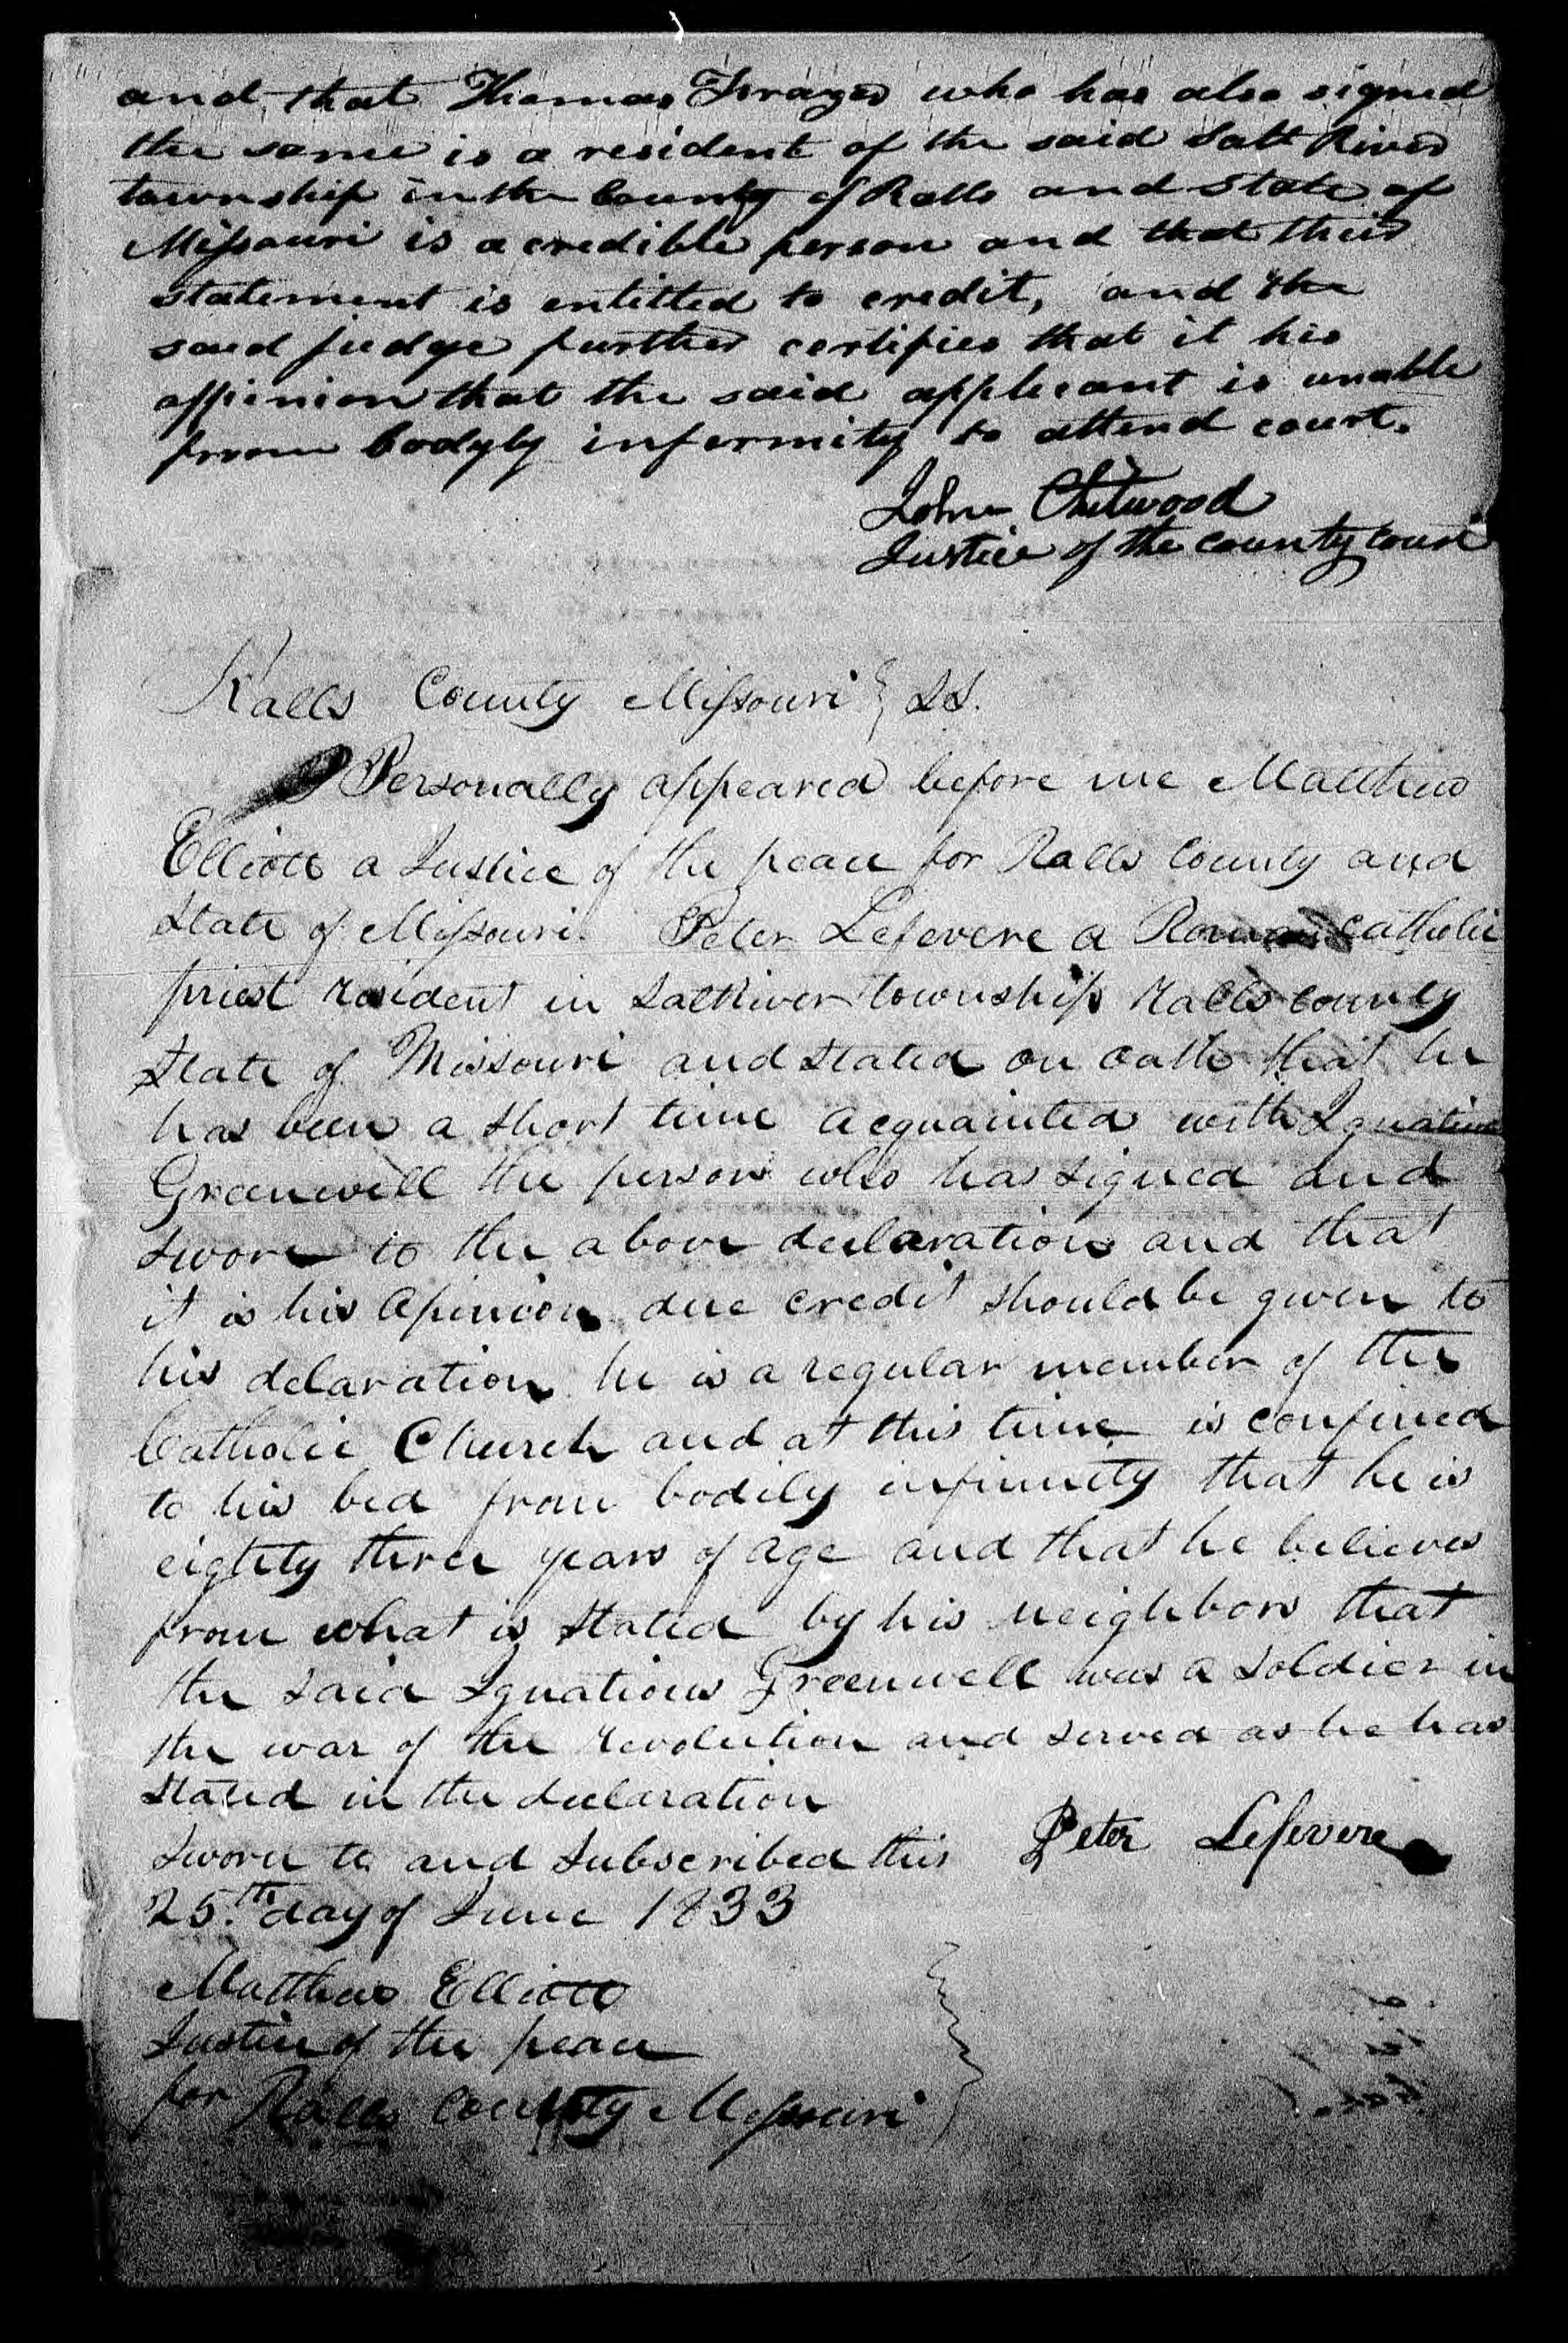and that Thomas Frazer who has also signed the same is a resident of the said Salt River township in the county of Ralls and state of Missouri is a credible person and that their statement is entitled to credit and the said judge further certifies that it his opinion that the said applicant is unable from bodily infirmity to attend court.

John Chitwood
Justice of the County Court

Ralls County Missouri

Personally appeared before me Matthew Elliott a Justice of the Peace for Ralls county and state of Missouri Petere Lefevere a Roman Catholic priest resident in Salt River township Ralls county state of Missouri and stated on oath that he has been a short time acquainted with Ignatius Greenwell the person who has signed and sworn to the above declaration and that it is his opinion due credit should be given to his declaration; he is a regular member of the Catholic Church and at this time is confined to his bed from bodily infirmity that he is eighty-three years of age and that he believes from what is stated by his neighbor that the said Ignatus Greenwell was a soldier in the war of the Revolution and served as he has stated in the declaration. 
Peter Lefevere

Sworn to and subscribed this 25th day of June 1833

Matthew Elliott
Justice of the Peace
for Ralls County Missouri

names: John Chitwood, Ignatious Greenwell, Thomas Frazer, Peter Lefevere, Peter Lefevere, Matthew Elliott, Matthew Elliott, Ignatius Greenwell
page: 5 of 19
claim: survivor's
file: S. 16836, Ignatus Greenwell, Md.